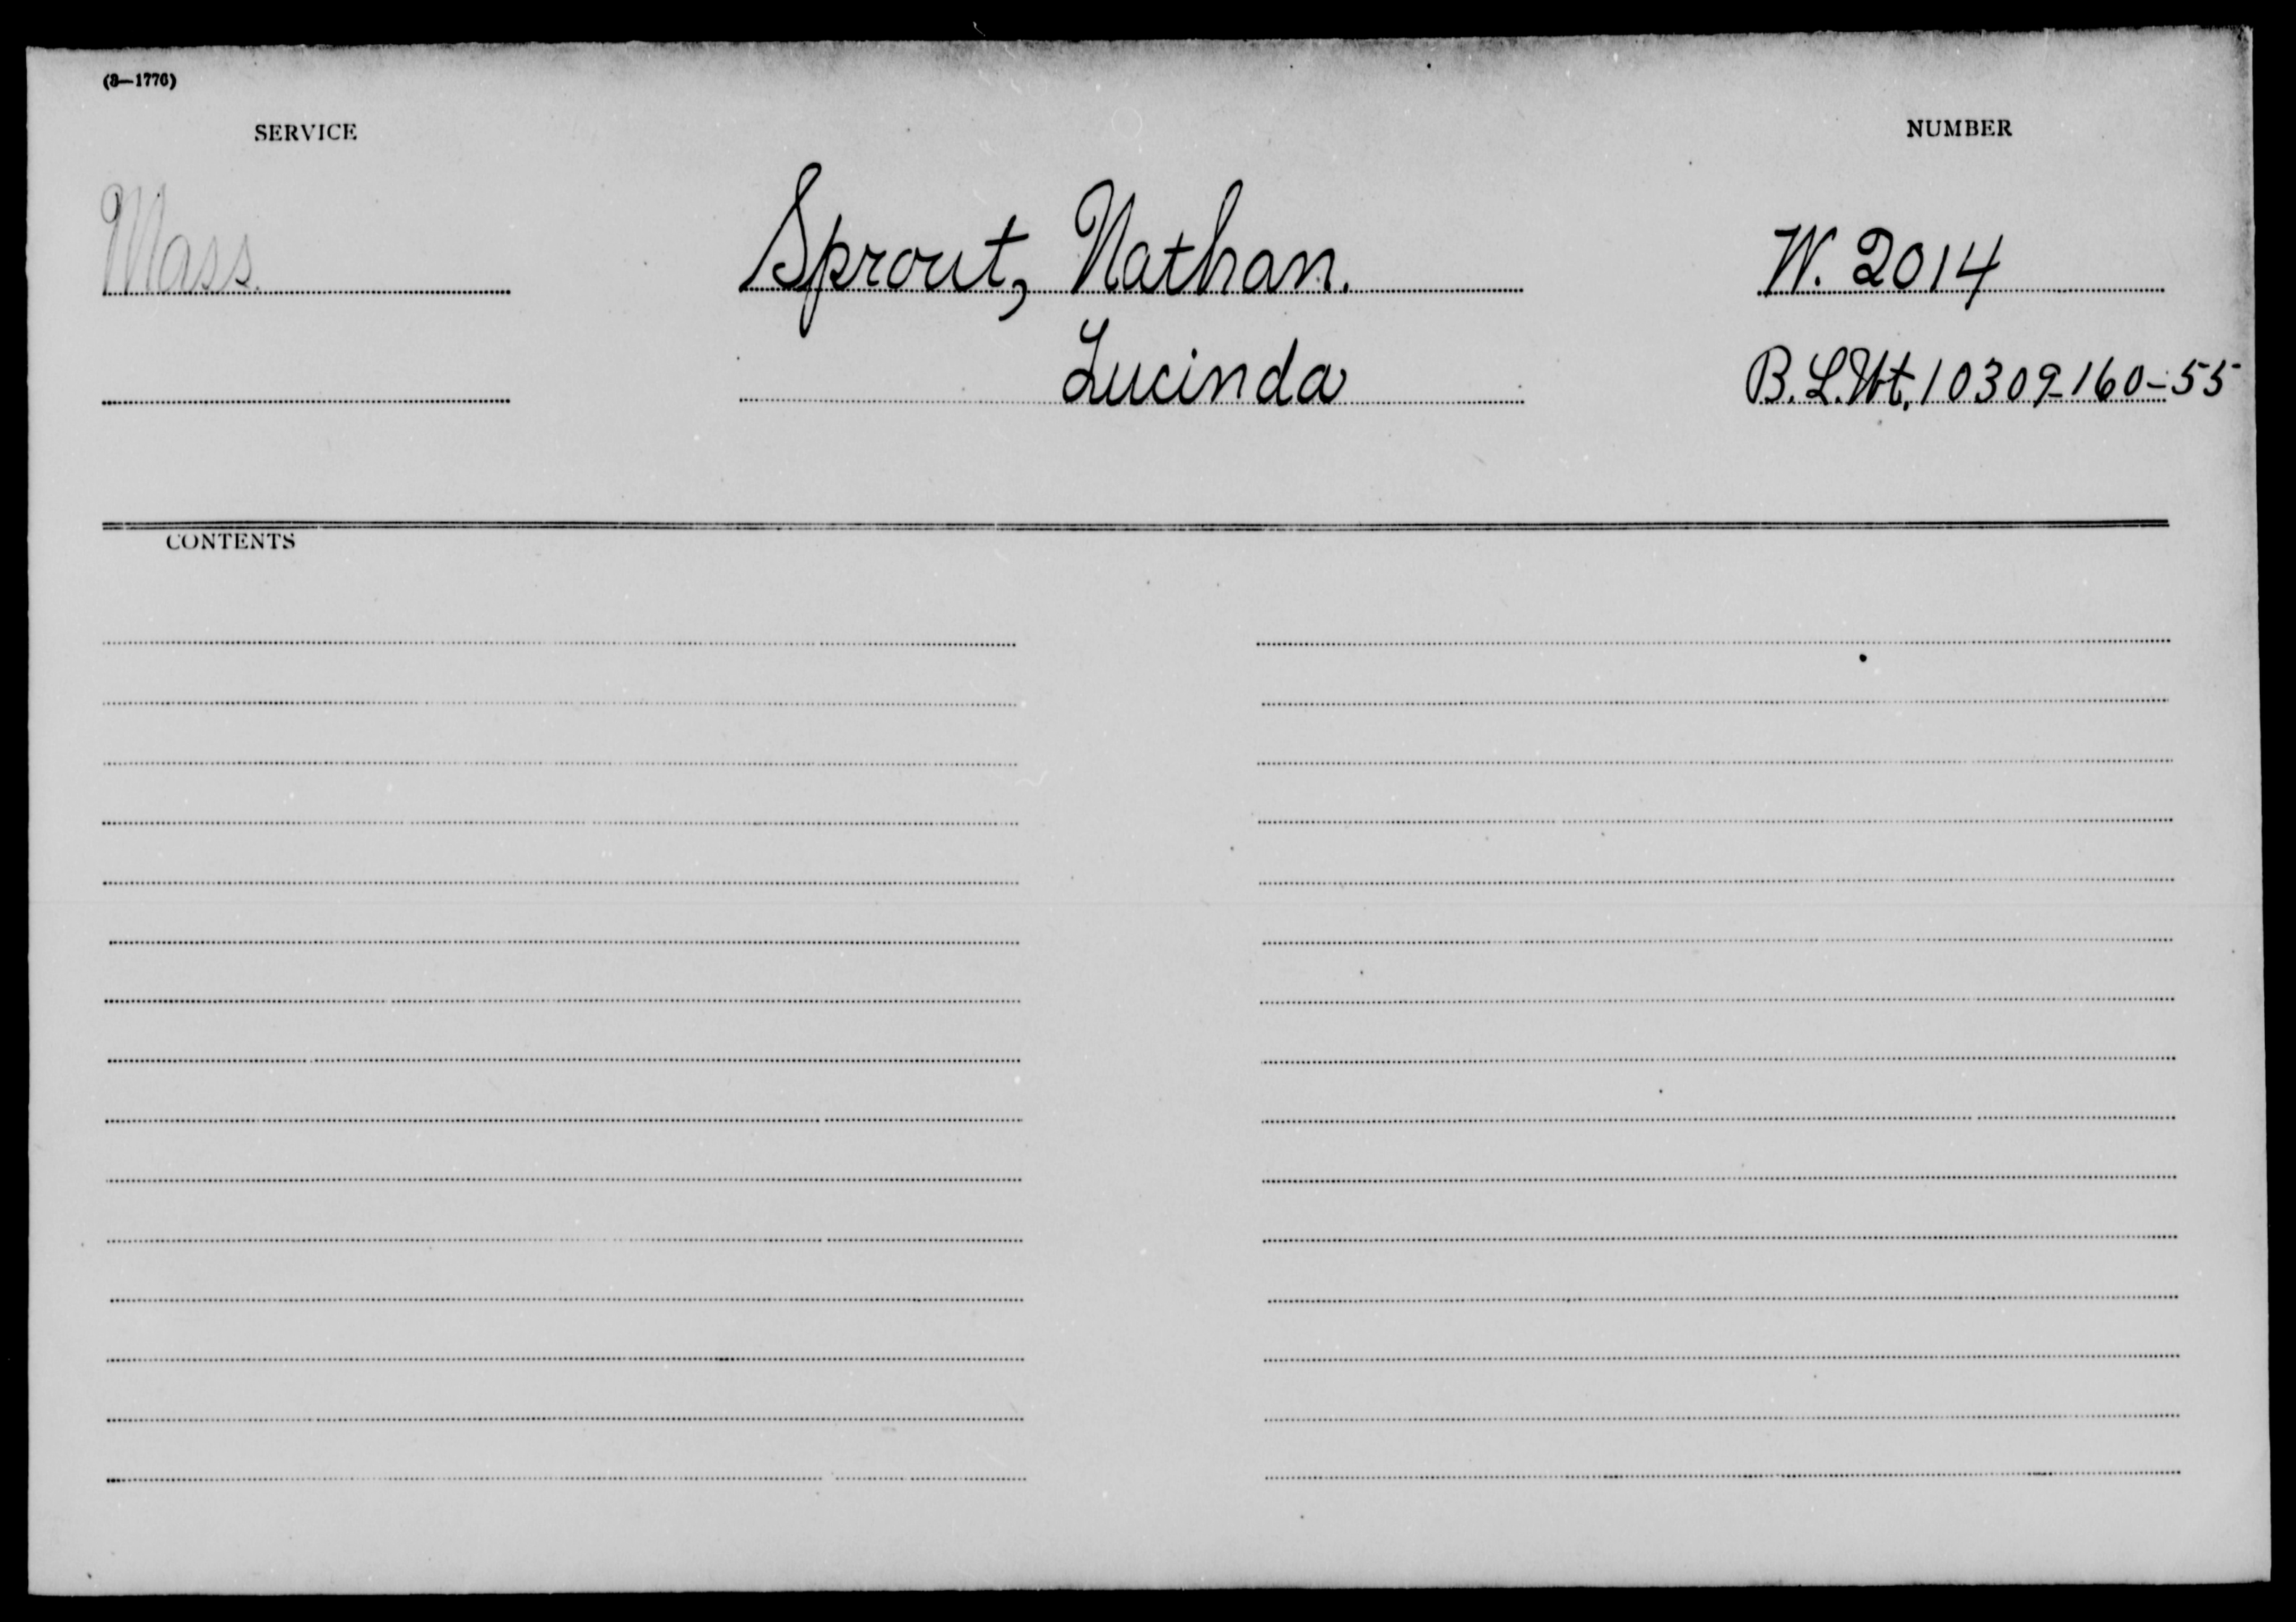SERVICE
Mass

Sprout, Nathan
Lucinda

NUMBER
W. 2014
B.L.Wt. 10302160-55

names: [BLANK]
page: 1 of 32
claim: widow's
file: W. 2014, for Nathan Sprout, Massachusetts